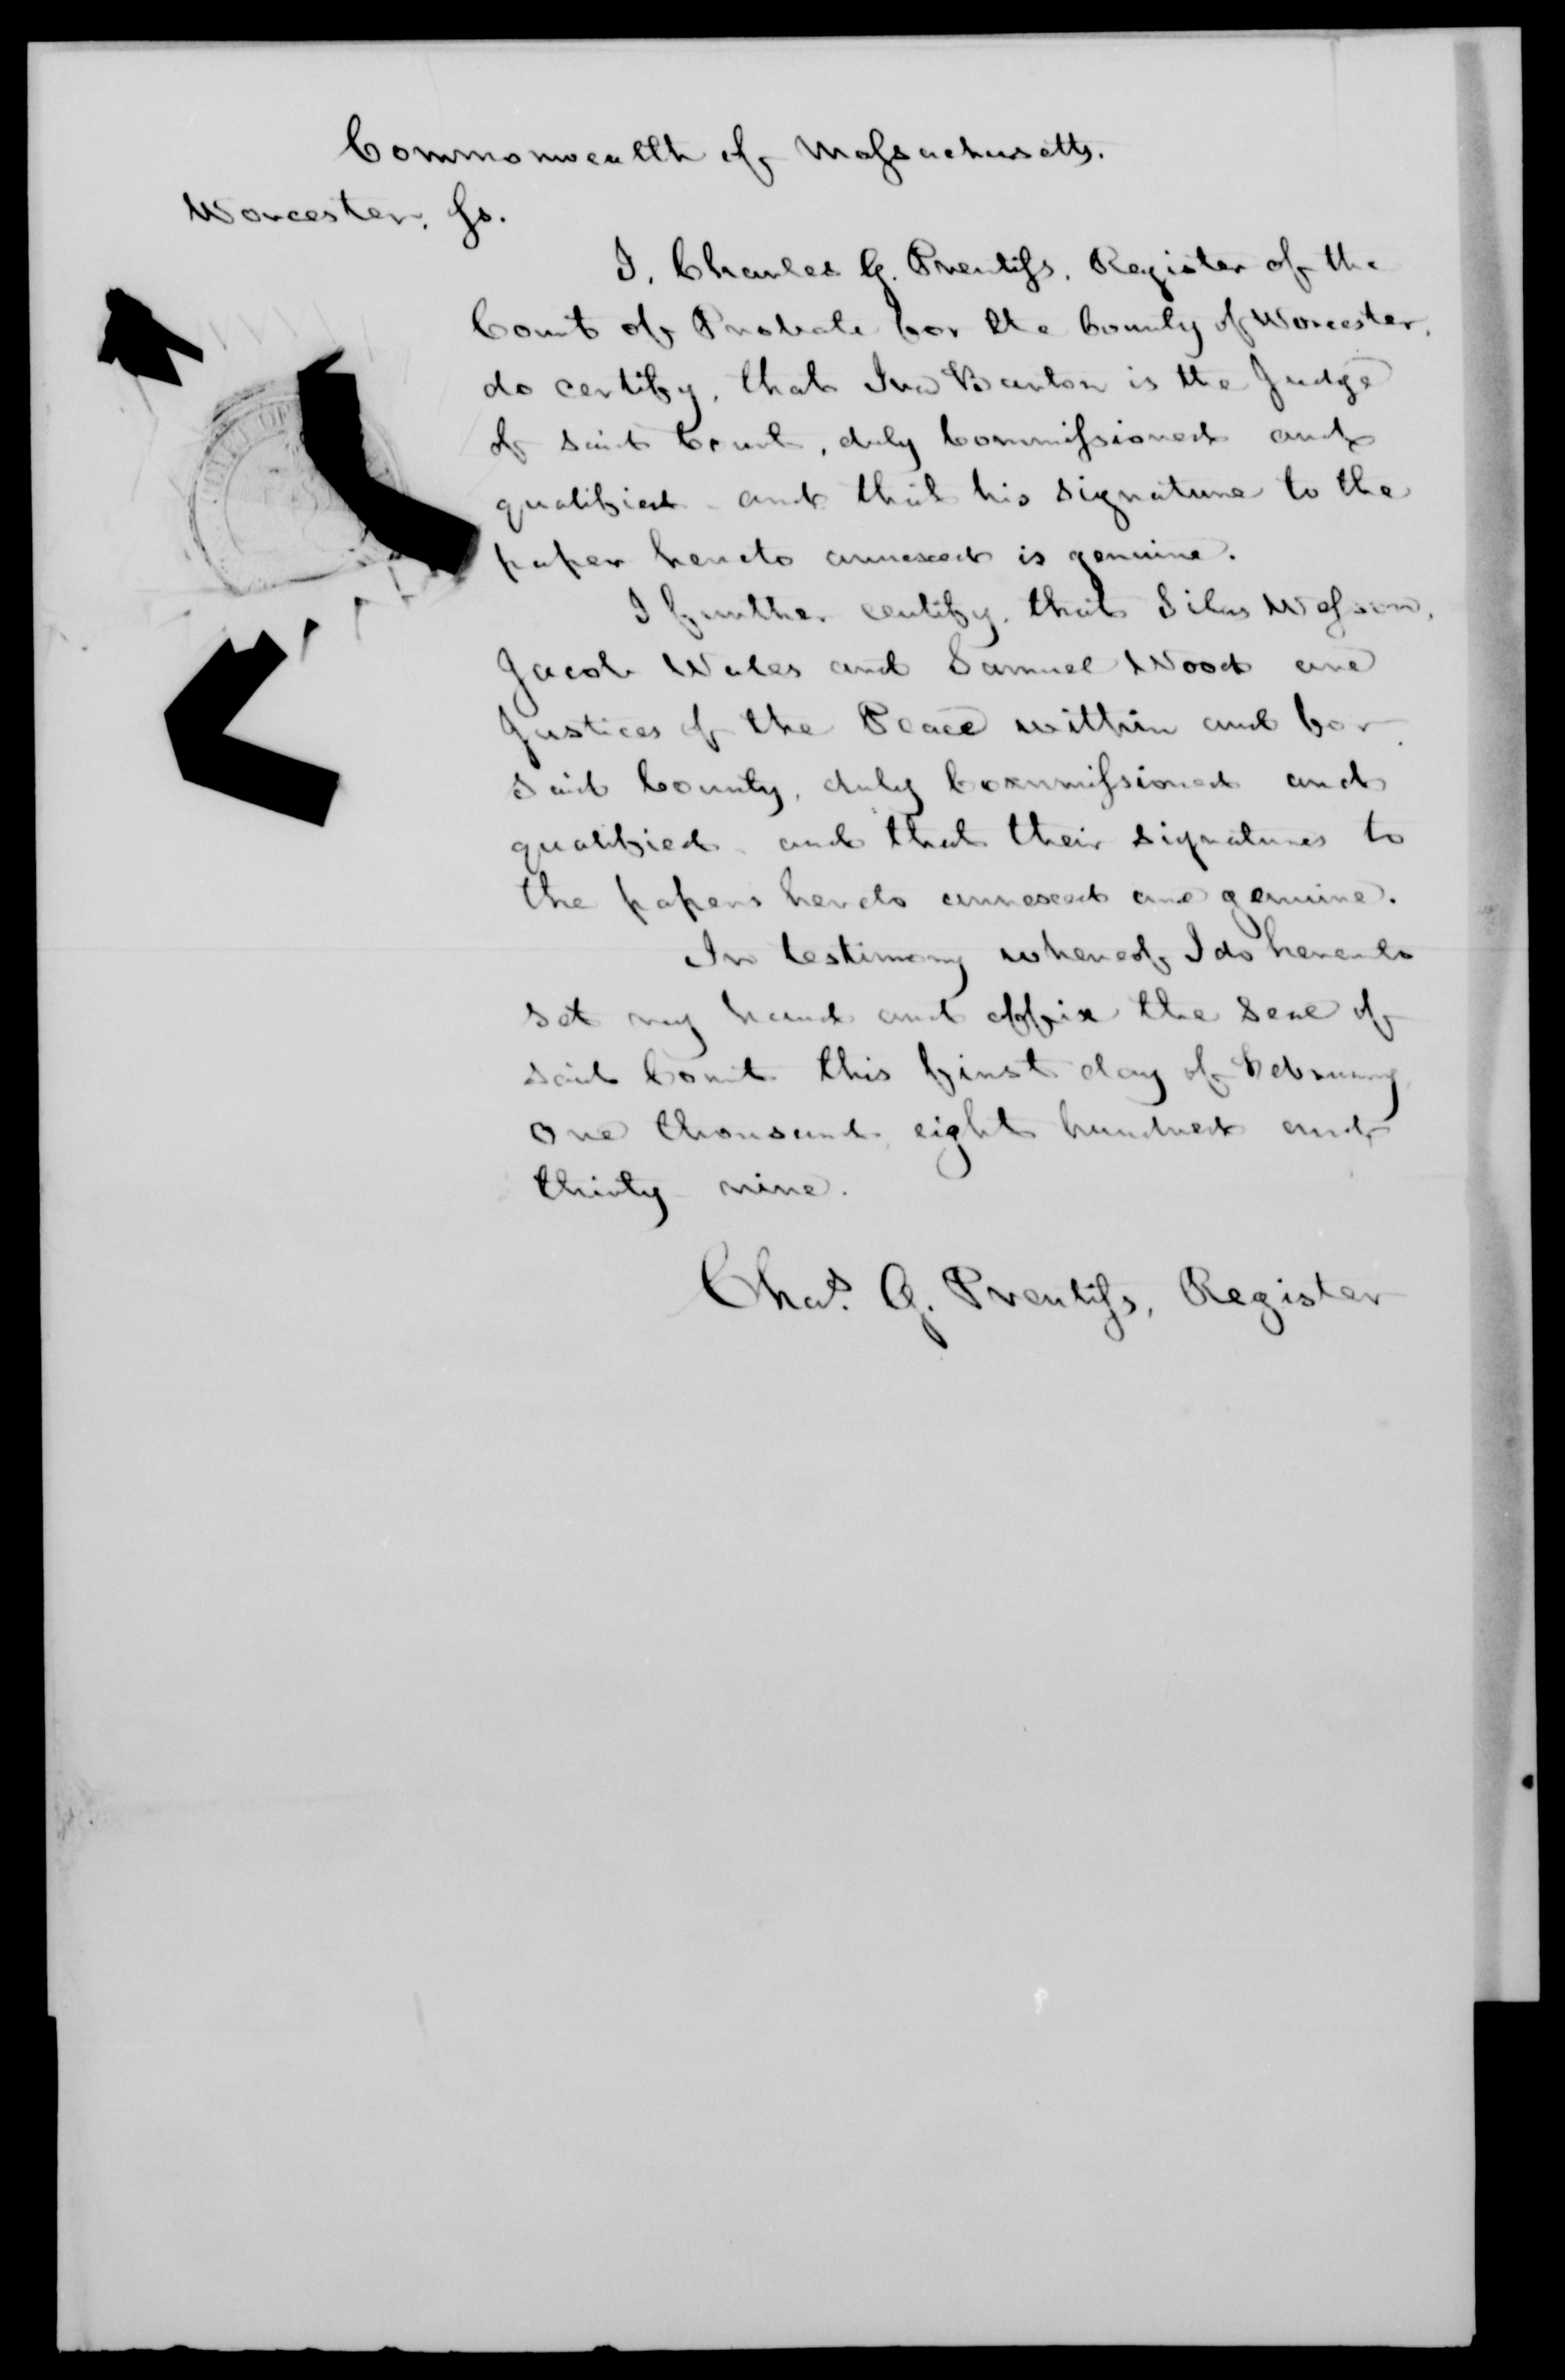Commonwealth of Massachusetts, Worcester. SS
I Charles G Prentiss, Register of the Court of Probate for the County of Worcester, do certify, that Ira barton is the Judge of said Court, duly commissioned and qualified and that his signature to the paper hereto [illegible] is genuine.
I further certify that Silas Wesson, Jacob Wales and Samuel Wood are Justices of the Peace within and for said County, duly commissioned and qualified and that their signatures to the papers hereto [illegible] are genuine.
In testimony when of I do hereto set my hand and offise the seal of said Court this first day of February on thousand eight hundred and thirty nine.
Chas. G. Prentiss, Register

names: Ira Barton; Silas Wesson; Jacob Wales; Charles G Prentiss; Chas G Prentiss; Samuel Wood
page: 4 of 24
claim: widow's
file: W. 15,338, for William Sibley, Massachusetts